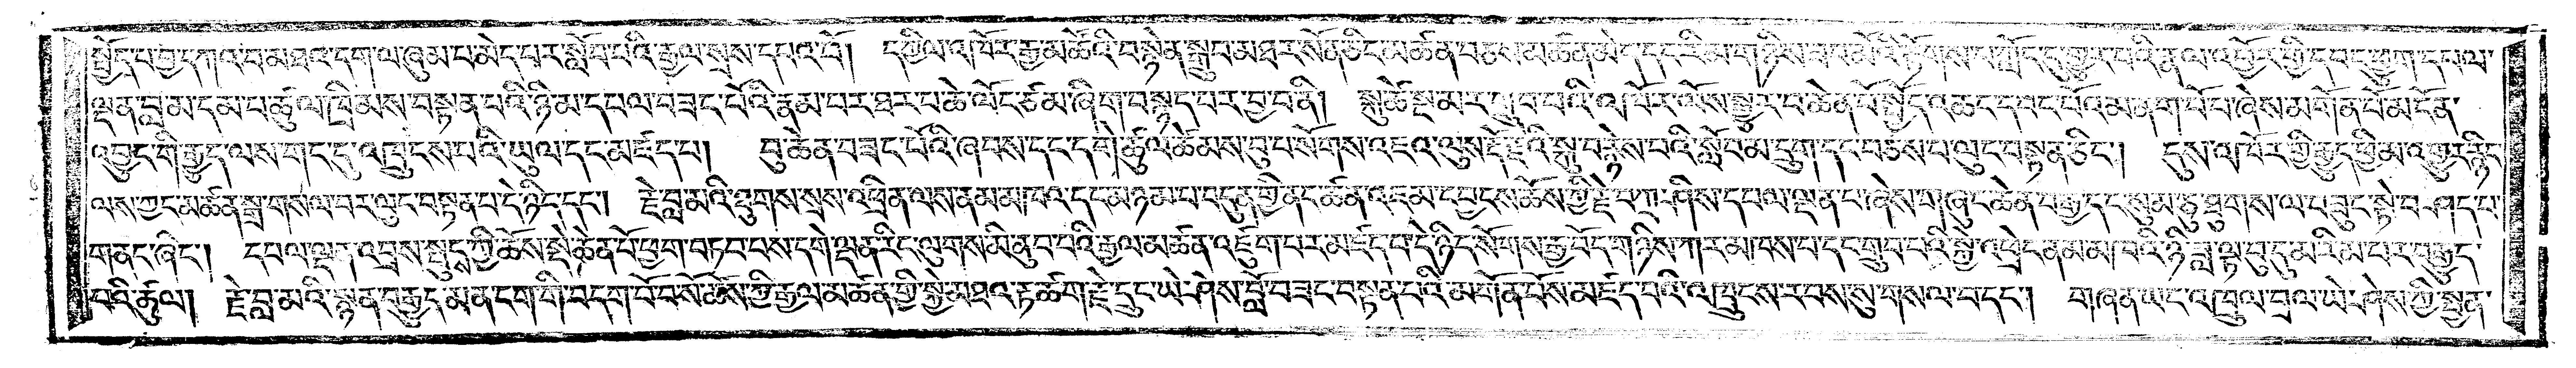སྤྱོད་པ་བྱ་དཀའ་བ་མཐའ་དག་ལ་ཞུམ་པ་མེད་པར་སློབ་པའི་རྒྱལ་སྲས་དཔའ་བོ། དཀྱིལ་འཁོར་རྒྱ་མཚོའི་བསྙེན་སྒྲུབ་མཐར་སོན་ཅིང་མཚན་བཅས་མཚན་མེད་དང་རིམ་གཉིས་ཟབ་མོའི་རྟོགས་པ་ཀློང་དུ་གྱུར་པའི་རྣལ་འབྱོར་གྱི་དབང་ཕྱུག་དཔལ་
ལྡན་བླ་མ་དམ་པ་ཚུལ་ཁྲིམས་བསྟན་པའི་ཉི་མ་དཔལ་བཟང་པོའི་རྣམ་པར་ཐར་པ་ཆེ་ལོང་ཙམ་ཞིག་བསྙད་བར་བྱ་བ་ནི། སྐུ་ཚེ་སྔ་མར་གྲུབ་པའི་འཁོར་ལོས་སྒྱུར་བ་ཆེན་པོ་སྤྱོད་འཆང་དབང་པོའམ་ནག་པོ་པ་ཞེས་མགོན་པོ་མངོན་
འབྱུང་གི་རྒྱུད་ལས་གང་དུ་འཁྲུངས་པའི་ཡུལ་དང་མཛད་པ། བུ་ཆེན་བཟང་པོའི་ཞབས་དང་དགེ་ཚུལ་ཚེམས་བུ་པ་སོགས་འཇའ་ལུས་རྡོ་རྗེའི་སྐུ་བརྙེས་པའི་སློབ་མ་དྲུག་དང་བཅས་པ་ལུང་བསྟན་ཅིང་། དུས་འཁོར་གྱི་རྒྱུད་ཕྱི་མ་འགྱུར་རྙིང་
ལས་ཀྱང་མཚན་སྒྲ་གསལ་བར་ལུང་བསྟན་པ་དེ་ཉིད་དང་། རྗེ་བླ་མའི་ཐུགས་སྲས་འཕྲིན་ལས་ནམ་མཁའ་དང་མཉམ་པ་བདུན་གྱི་ནང་ཚན་འཇམ་དབྱངས་ཆོས་ཀྱི་རྗེ་བཀྲ་ཤིས་དཔལ་ལྡན་པ་ཞེས་གཞུང་ཆེན་བརྒྱ་དང་སུམ་ཅུ་ཐུགས་ལ་བཟུང་སྟེ་བཤད་པ་
གནང་ཞིང་། དཔལ་ལྡན་འབྲས་སྤུངས་ཀྱི་ཆོས་སྡེ་ཆེན་པོ་ཕྱག་བཏབ་པས་དགེ་ལྡན་རིང་ལུགས་མི་ནུབ་པའི་རྒྱལ་མཚན་འཛུག་པར་མཛད་པ་དེ་ཉིད་སོགས་རྒྱ་བོད་གཉིས་ཀར་མཁས་པ་དང་གྲུབ་པའི་སྐྱེ་འཕྲེང་ནམ་མཁའི་ཉི་ཟླ་ལྟ་བུ་དུ་མ་རིམ་པར་བརྒྱུད་
པའི་ཚུལ། རྗེ་བླ་མའི་སྙན་བརྒྱུད་མན་ངག་གི་བདག་པོ་བ་སོ་ཆོས་ཀྱི་རྒྱལ་མཚན་གྱི་སྐྱེ་མཐའ་རྟ་ཚག་རྗེ་དྲུང་ཡེ་ཤེས་བློ་བཟང་བསྟན་པའི་མགོན་པོས་མཛད་པའི་འཁྲུངས་རབས་སུ་གསལ་བ་དང་། གཞན་ཡང་འཁྲུལ་བྲལ་ཡེ་ཤེས་ཀྱི་སྤྱན་